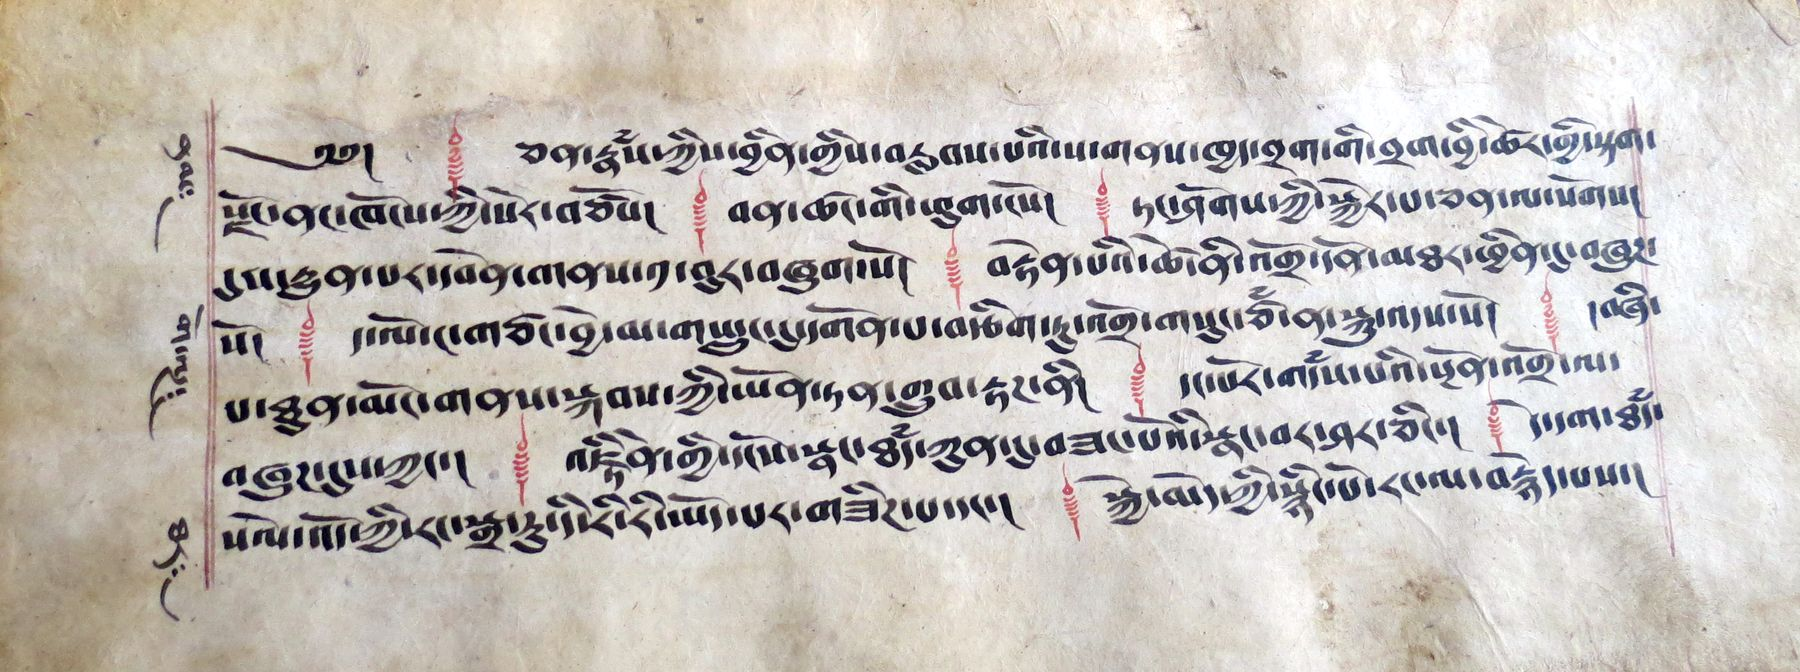ཅན་རྣམས་ཀྱིས་བྱིན་གྱིས་བརླབས་པའི་བྲག བྱི་ཚེར་གྱི་སྟག་
རྫོང་ནང་ཁོངས་ཀྱི་སེར་བཙོག། བན་ཚང་གི་ཕུག་ངོས། ཧང་ཤོག་གི་སྐྱེར་པ་ཅན་ལས་སོགས། 
དུས་རྒྱུན་པར་དབེན་གནས་གཅིག་པུར་བཞུགས་སོ། ། བརྟེན་པའི་ཚེ་ནི་འགྲོ་དོན་མཐར་ཕྱིན་དུ་བཞུགས་
སོ། ། ད་ལོ་ང་གཙང་བྱེ་མ་གཡུང་དྲུང་དུ་དགོན་པ་བརྩིག་ཏུ་འགྲོ་གསུངས་ཙམ་ན་སྐུ་འདས་སོ། ། བཞི་
པ་ཐུན་མོང་དང་གནས་སྐབས་ཀྱི་ཡོན་ཏན་དང་གྲུབ་རྟགས་ནི། དང་པོ་གདམས་པའི་སྔོན་འགྲོ་ལ་
ཞུགས་དུས་ཀྱང་། འཇིག་རྟེན་ཀྱི་དངོས་སྣང་ཐམས་ཅད་ཀུན་ཏུ་བཟང་པོའི་སྣང་བ་ཤར་ཅིང་། དེ་དག་ཐམས་ཅད་
སལེ་འོད་ཀྱི་རང་སྒྲ་དི་རི་རི་ཡོད་པར་གཟིགས་པ་དང་། སྐྱེ་མེད་ཀྱི་སྙིང་པོ་རང་ལ་རྙེད་པས།